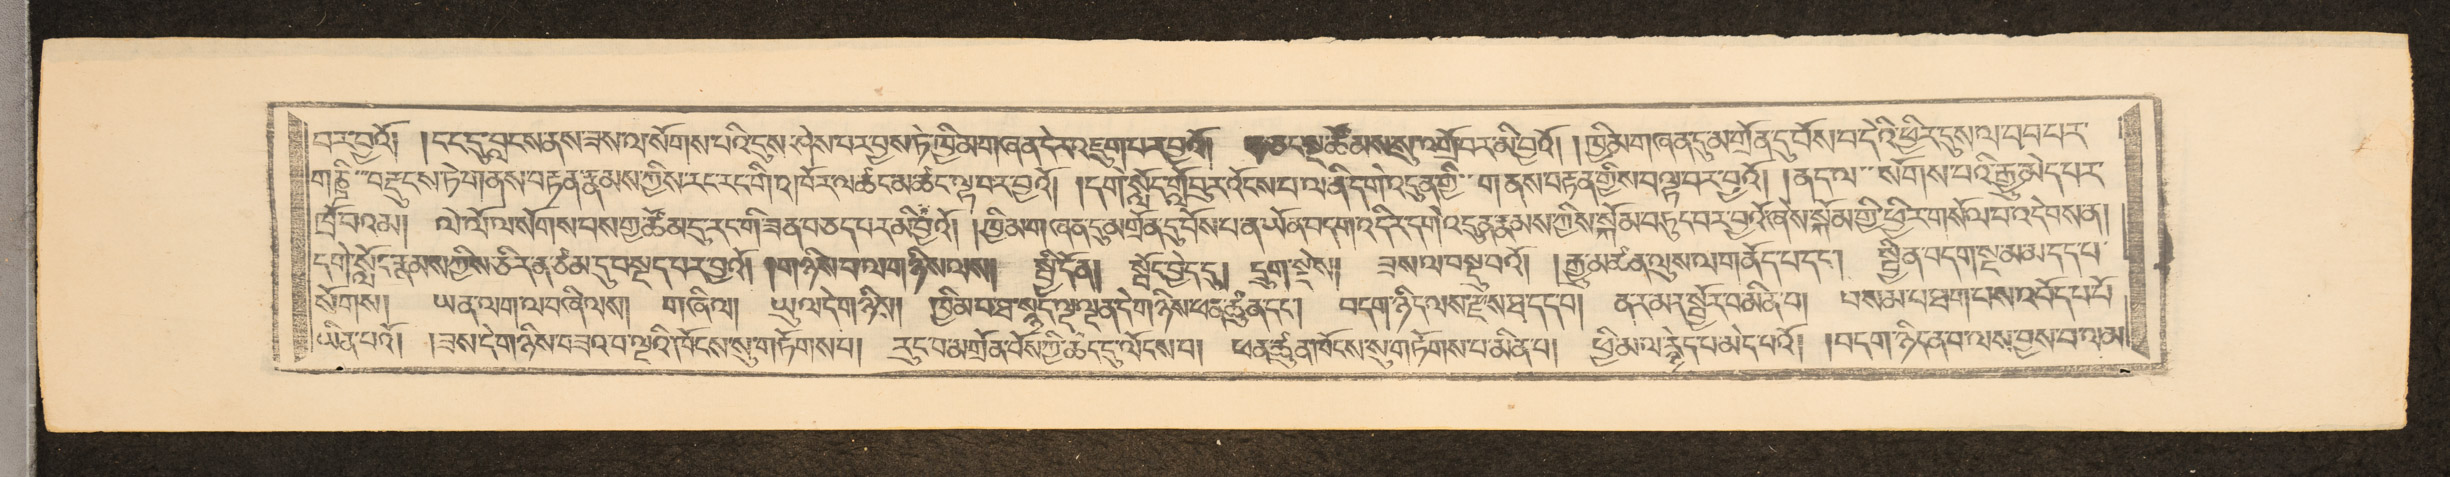བར་བྱའོ། །དང་རུ་བླངས་ནས་ཟས་ལ་སོགས་པའི་དུས་ཤེས་པར་བྱས་ཏེ་ཁྱིམ་གཞན་དེར་འཇུག་པར་བྱའི། ཧ་ཅང་སྔ་ཚོམས་སུ་འགྲོ་བ་དམི་བྱའོ། །ཁྱིམ་གཞན་དུ་མགྲོན་དུ་བོས་པ་དེའི་ཕྱིར་དུས་ལ་བབ་པར་
གཎྜི་བརྡུངས་ཏེ་གནས་བརྟན་རྣམས་ཀྱིས་རང་རང་གི་འཁོར་ལ་ཚད་མ་ཚད་ལྟ་བར་བྱའོ། །དགེ་སློང་གློ་བུར་འོངས་པ་ལ་ནི་དགེ་འདུན་གྱི་གནས་བརྟན་གྱིས་བལྟ་བར་བྱའོ། །ནད་ལ་སོགས་པའི་རྒྱུ་མེད་པར་
ཁྲོ་བའམ། ལེ་ལོ་ལ་སོགས་པས་གྱ་ཚོམ་དུ་རང་གི་ཟན་བཅད་པར་མི་བྱའོ། །ཁྱིམ་གཞན་དུ་མགྲོན་དུ་བོས་པ་ན་ཡོན་བདག་འདིར་དགེ་འདུན་རྣམས་ཀྱིས་སྐོམ་བཏུང་བར་བྱའོ་ཞེས་སྐོམ་གྱི་ཕྱིར་གསོལ་བ་འདེབས་ན།
དགེ་སློང་རྣམས་ཀྱིས་ཅི་རན་ཙམ་དུ་བསྡད་པར་བྱའོ། །གཉིས་པ་ལ་གཉིས་ལས། སྤྱི་དོན། སྤོང་བྱེད་དུ། དྲུག་སྡེས། ཟས་ལ་བསྡུ་བའོ། །རྒྱུ་མཚན་ལུས་ལ་གནོད་པ་དང་། སྦྱིན་བདག་སྔ་མ་མ་དད་པ་
སོགས། ཡན་ལག་ལ་བཞི་ལས། གཞི་ལ། ཡུལ་དེ་གཉིས། ཁྱིམ་པ་ཐ་སྙད་ལྔ་ལྡན་དེ་གཉིས་ཕན་ཚུན་དང་། བདག་ཉིད་ལས་རྫས་ཐ་དད་པ། ནར་མར་སྦྱོར་བ་མིན་པ། བསམ་པ་ཐག་པས་འབོད་པ་པོ་
ཡིན་པའོ། །ཟས་དེ་གཉིས་བཟའ་བ་ལྔའི་ཁོངས་སུ་གཏོགས་པ། རུང་བ་མགྲོན་བོས་ཀྱི་ཚད་དུ་ལོངས་པ། ཕན་ཚུན་ཁོངས་སུ་གཏོགས་པ་མིན་པ། ཕྱི་མ་ལ་རྙེད་པ་མེད་པའོ། །བདག་ཉིད་ན་བ་ལས་བྱས་པ་ལམ་